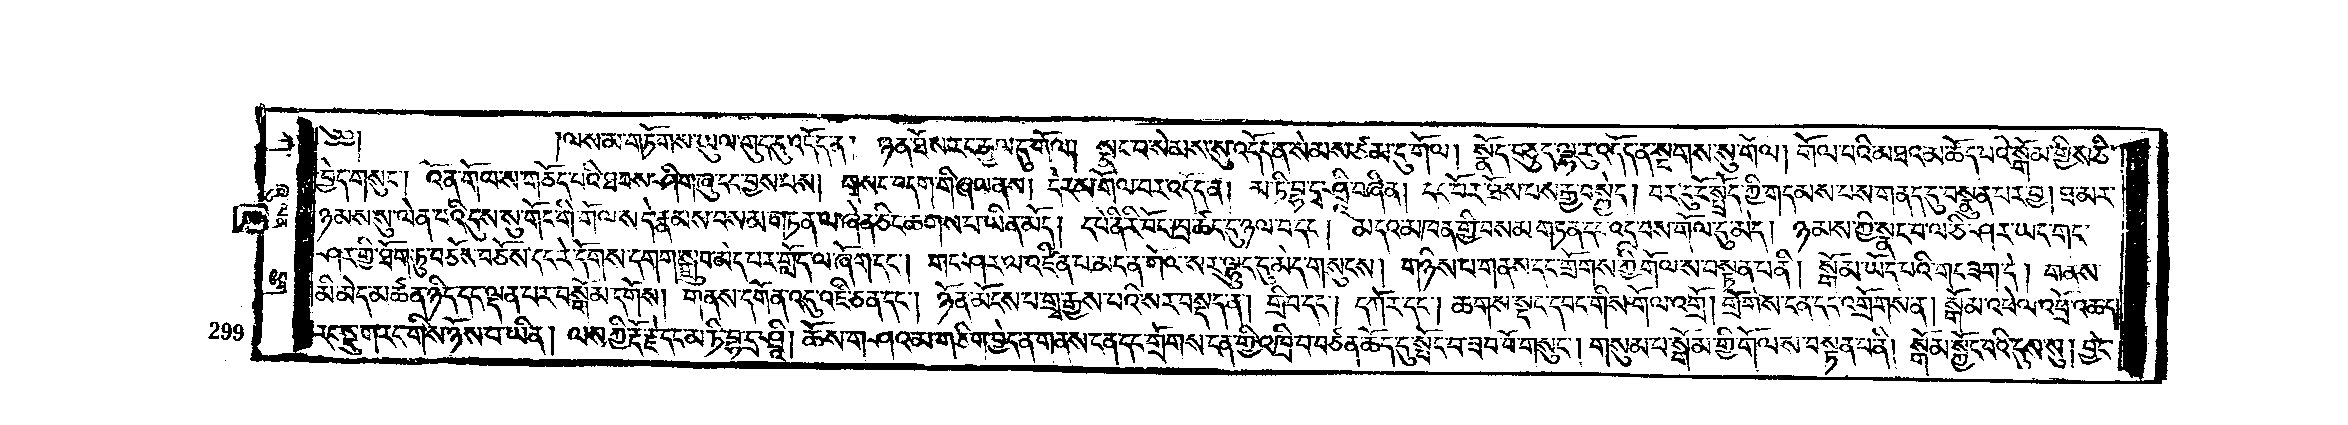༄༅། །ལས་མ་གཏོགས་ཡུལ་གུད་དུ་འདོད་ན། ཉན་ཐོས་རང་རྒྱལ་དུ་གོལ། སྣང་བ་སེམས་སུ་འདོད་ན་སེམས་ཙམ་དུ་གོལ། སྣོད་བཅུད་ལྷ་རུ་འདོད་ན་སྔགས་སུ་གོལ། གོལ་པའི་མཐའ་མ་ཆོད་པའི་སྒོམ་གྱིས་ཅི་
བྱེད་གསུང་། འོ་ན་གོལ་ས་གཅོད་པའི་ཐབས་ཤིག་ཞུ་དང་བྱས་པས། གསང་བདག་གི་ཞལ་ནས། དེ་རམ་རོལ་བར་འདོད་ན། མ་ཏི་བྷ་དྭ་ཤྲཱི་བཞིན། དང་པོར་ཐོས་པས་རྒྱ་བསྐྱེད། བར་དུ་ངོ་སྤྲོད་ཀྱི་གདམས་པས་གནད་དུ་བསྣུན་པར་བྱ། ཐ་མར་
ཉམས་སུ་ལེན་པའི་དུས་སུ་གོང་གི་གོལ་ས་དེ་རྣམས་བསམ་གཏན་ལ་ཞེན་ཅིང་ཆགས་པ་ཡིན་མོད། དཔེ་ནི་རི་བོང་ཁྲ་ཚང་དུ་ཉལ་བ་དང་། མདའ་མཁན་གྱི་བསམ་གཏན་དང་འདྲ་བས་གོལ་དུ་མེད། ཉམས་ཀྱི་སྣང་བ་ལ་ཅི་ཤར་ཡང་གང་
ཤར་གྱི་ཐོག་ཏུ་བཅོས་བཅོས་དང་རེ་དོགས་དགག་སྒྲུབ་མེད་པར་གློད་ལ་ཞོག་དང་། གང་ཤར་ལ་འཛིན་པ་མང་ན་གོལ་སར་ལྷུང་དུ་མེད་གསུངས། གཉིས་པ་གནས་དང་གྲོགས་ཀྱི་གོལ་ས་བསྟན་པ་ནི། སྒོམ་ཡོད་པའི་གང་ཟག་དེ། གནས་
མི་མེད་མཚན་ཉིད་དང་ལྡན་པར་བསྒོམ་དགོས། གནས་དགོན་འདུ་འཛི་ཅན་དང་། ཉོན་མོངས་པ་གྲྭ་རྒྱས་པའི་སར་བསྡད་ན། གྲིབ་དང་། དཀོར་དང་། ཆགས་སྡང་དབང་གིས་གོལ་འགྲོ། གྲོགས་ངན་དང་འགྲོགས་ན། སྒོམ་འཕེལ་འཕྲོ་འཆད།
རང་སྡུག་རང་གིས་ཉོས་པ་ཡིན། ལས་ཀྱི་རྡོ་རྗེ་དང་མ་ཏི་བྷ་དྲ་ཤྲཱི། ཆོས་གཤའ་མ་གཅིག་བྱེད་ན་གནས་ངན་དང་གྲོགས་ངན་གྱི་འཁྲི་བ་བཙན་ཆོད་དུ་སྤོང་བ་ཟབ་བོ་གསུང་། གསུམ་པ་སྒོམ་གྱི་གོལ་ས་བསྟན་པ་ནི། སྒོམ་སྐྱོང་བའི་དུས་སུ། བྱེད་